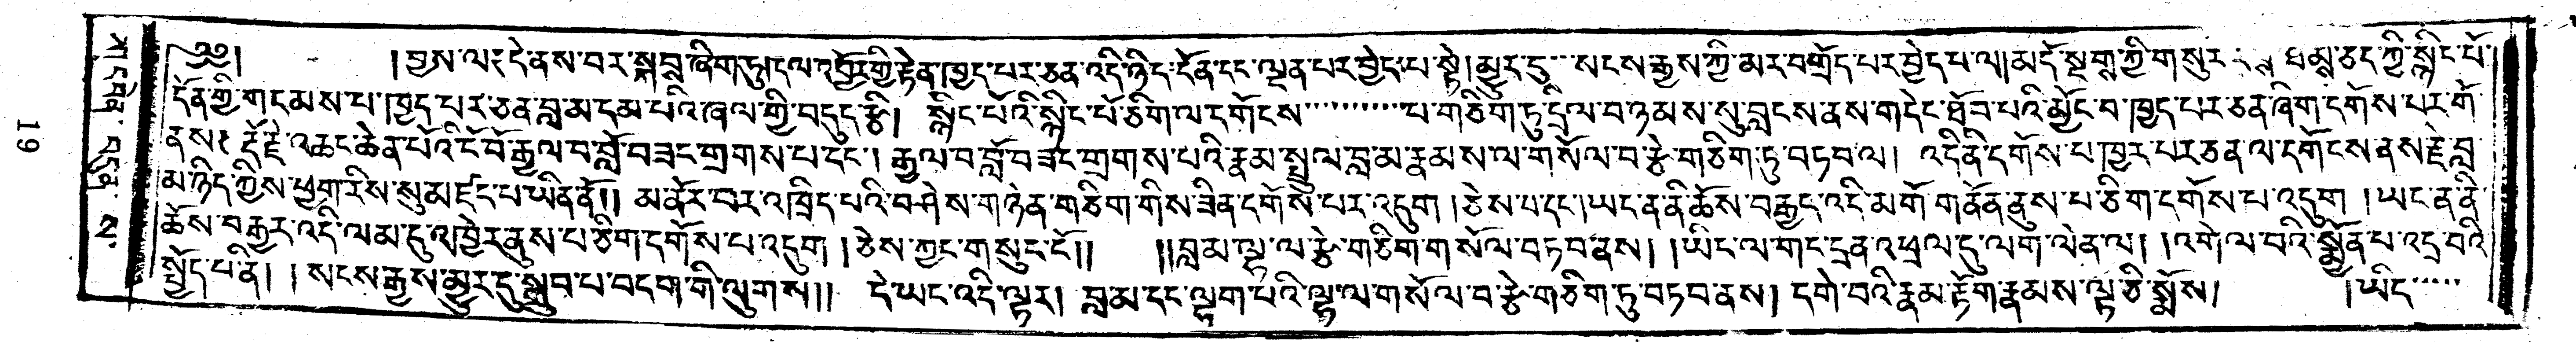༄༅། །བྱས་ལ༑ དེ་ནས་བར་སྐབས་ཞིག་ཏུ། དལ་འབྱོར་གྱི་རྟེན་ཁྱད་པར་ཅན་འདི་ཉིད་དོན་དང་ལྡན་པར་བྱེད་པ་སྟེ། མྱུར་དུ་སངས་རྒྱས་ཀྱི་མར་བགྲོད་པར་བྱེད་པ་ལ། མདོ་སྔགས་ཀྱི་གསུར་རབས་ཐམས་ཅད་ཀྱི་སྙིང་པོ་
དོན་གྱི་གདམས་པ་ཁྱད་པར་ཅན་བླ་མ་དམ་པའི་ཞལ་གྱི་བདུད་རྩི། སྙིང་པོ་ཅིག་ལ་དགོངས་པ་གཅིག་ཏུ་དྲིལ་བ་ཉམས་སུ་བླངས་ནས་གདེང་ཐོབ་པའི་མྱོང་བ་ཁྱད་པར་ཅན་ཞིག་དགོས་པར་གོ་
ནས༑ རྡོ་རྗེ་འཆང་ཆེན་པོའི་ངོ་བོ་རྒྱལ་བ་བློ་བཟང་གྲགས་པ་དང་། རྒྱལ་བ་བློ་བཟང་གྲགས་པའི་རྣམ་སྤྲུལ་བླ་མ་རྣམས་ལ་གསོལ་བ་རྩེ་གཅིག་ཏུ་བཏབ་ལ། འདི་ནི་དགོས་པ་ཁྱར་པར་ཅན་ལ་དགོངས་ནས་རྗེ་བླ་
མ་ཉིད་ཀྱིས་ཕྱག་རིས་སུ་མཛད་པ་ཡིན་ནོ།། མ་ནོར་བར་འཁྲིད་པའི་བཤེས་གཉེན་གཅིག་གིས་ཟིན་དགོས་པར་འདུག །ཅེས་པ་དང་། ཡང་ན་ནི་ཆོས་བརྒྱད་འདི་མགོ་གནོན་ནུས་པ་ཅིག་དགོས་པ་འདུག །ཡང་ན་ནི་
ཆོས་བརྒྱར་འདི་ལམ་དུ་འཁྱེར་ནུས་པ་ཅིག་དགོས་པ་འདུག །ཅེས་ཀྱང་གསུང་ངོ།། །།བླ་མ་ལྷ་ལ་རྩེ་གཅིག་གསོལ་བཏབ་ནས། །ཡིད་ལ་གང་དྲན་འཕྲལ་དུ་ལག་ལེན་ལ། །འགེལ་བའི་སྨྱོན་པ་འདྲ་བའི་
སྤྱོད་པ་ནི། །སངས་རྒྱས་མྱུར་དུ་སྒྲུབ་པ་བདག་གི་ལུགས།། དེ་ཡང་འདི་ལྟར། བླ་མ་དང་ལྷག་པའི་ལྷ་ལ་གསོལ་བ་རྩེ་གཅིག་ཏུ་བཏབ་ནས། དགེ་བའི་རྣམ་རྟོག་རྣམས་ལྟ་ཅི་སྨོས། །ཡིད་